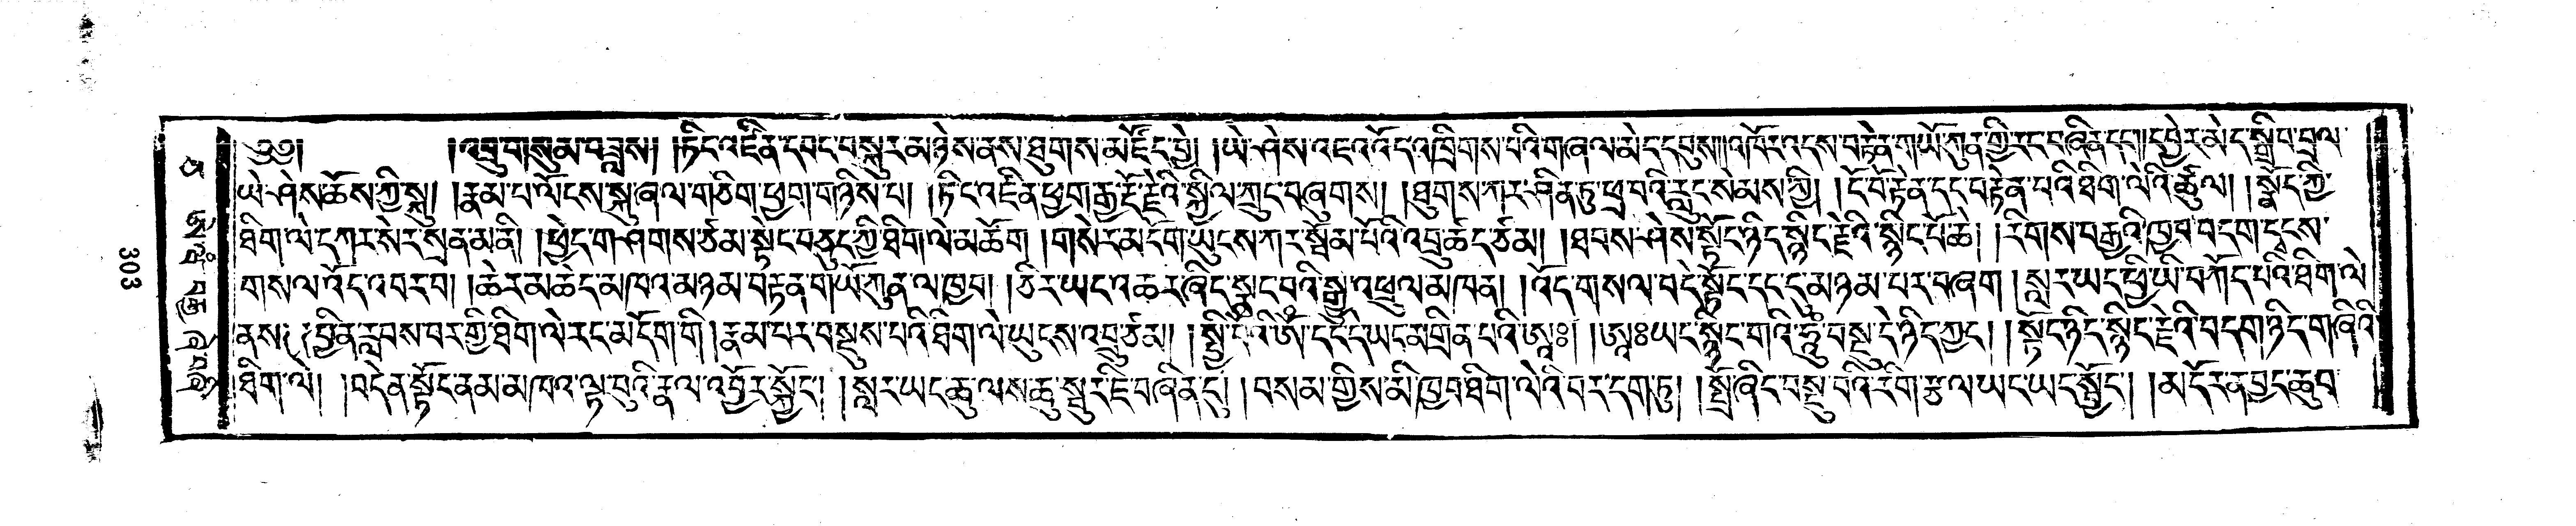༄༅། །འབྲུ་གསུམ་བཟླས། །ཏིང་འཛིན་དབང་བསྐུར་མཉེས་ནས་ཐུགས་མཛོད་བྱེ། །ཡེ་ཤེས་འཇའ་འོད་འཁྲིགས་པའི་གཞལ་མེད་དབུས། །འཁོར་འདས་བརྟེན་གཡོ་ཀུན་གྱི་རང་བཞིན་དང་། །དབྱེར་མེད་སྒྲིབ་བྲལ་
ཡེ་ཤེས་ཆོས་ཀྱི་སྐུ། །རྣམ་པ་ལོངས་སྐུ་ཞལ་གཅིག་ཕྱག་གཉིས་པ། །ཏིང་འཛིན་ཕྱག་རྒྱ་རྡོ་རྗེའི་སྐྱིལ་ཀྲུང་བཞུགས། །ཐུགས་ཀར་ཤིན་ཏུ་ཕྲ་བའི་རླུང་སེམས་ཀྱི། །ངོ་བོ་རྟེན་དང་བརྟེན་པའི་ཐིག་ལེའི་ཚུལ། །སྣོད་ཀྱི་
ཐིག་ལེ་དཀར་སེར་སྲན་མ་ནི། །ཕྱེད་གཤགས་ཙམ་སྟེང་བཅུད་ཀྱི་ཐིག་ལེ་མཆོག །གསེར་མདོག་ཡུངས་ཀར་སྦོམ་པོའི་འབྲུ་ཚད་ཙམ། །ཐབས་ཤེས་སྟོང་ཉིད་སྙིང་རྗེའི་སྙིང་པོ་ཆེ། །རིགས་བརྒྱའི་ཁྱབ་བདག་དྭངས་
གསལ་འོད་འབར་བ། །ཆེར་མཆེད་མཁའ་མཉམ་བརྟན་གཡོ་ཀུན་ལ་ཁྱབ། །ཅིར་ཡང་འཆར་ཞིང་སྣང་བའི་སྒྱུ་འཕྲུལ་མཁན། །འོད་གསལ་བདེ་སྟོང་ངང་དུ་མཉམ་པར་བཞག །སླར་ཡང་ཕྱི་ཡི་བཀོད་པའི་ཐིག་ལེ་
ནས༑ ༑བྱིན་རླབས་བར་གྱི་ཐིག་ལེ་རང་མདོག་གི །རྣམ་པར་བསྡུས་པའི་ཐིག་ལེ་ཡུངས་འབྲུ་ཙམ། །སྤྱི་བོའི་ཨོཾ་ངང་དེ་ཡང་མགྲིན་པའི་ཨཱཿ། །ཨཱཿ ཡང་སྙིང་གའི་ཧཱུཾ་བསྡུ་དེ་ཉིད་ཀྱང་། །སྟོང་ཉིད་སྙིང་རྗེའི་བདག་ཉིད་གཞིའི་
ཐིག་ལེ། །བདེན་སྟོང་ནམ་མཁའ་ལྟ་བུའི་རྣལ་འབྱོར་སྐྱོང་། །སླར་ཡང་ཆུ་ལས་ཆུ་སྦུར་ཇི་བཞིན་དུ། །བསམ་གྱིས་མི་ཁྱབ་ཐིག་ལེའི་བར་དག་ཏུ། །སྤྲོ་ཞིང་བསྡུ་བའི་རིག་རྩལ་ཡང་ཡང་སྦྱོང་། །མདོར་ན་བྱང་ཆུབ་